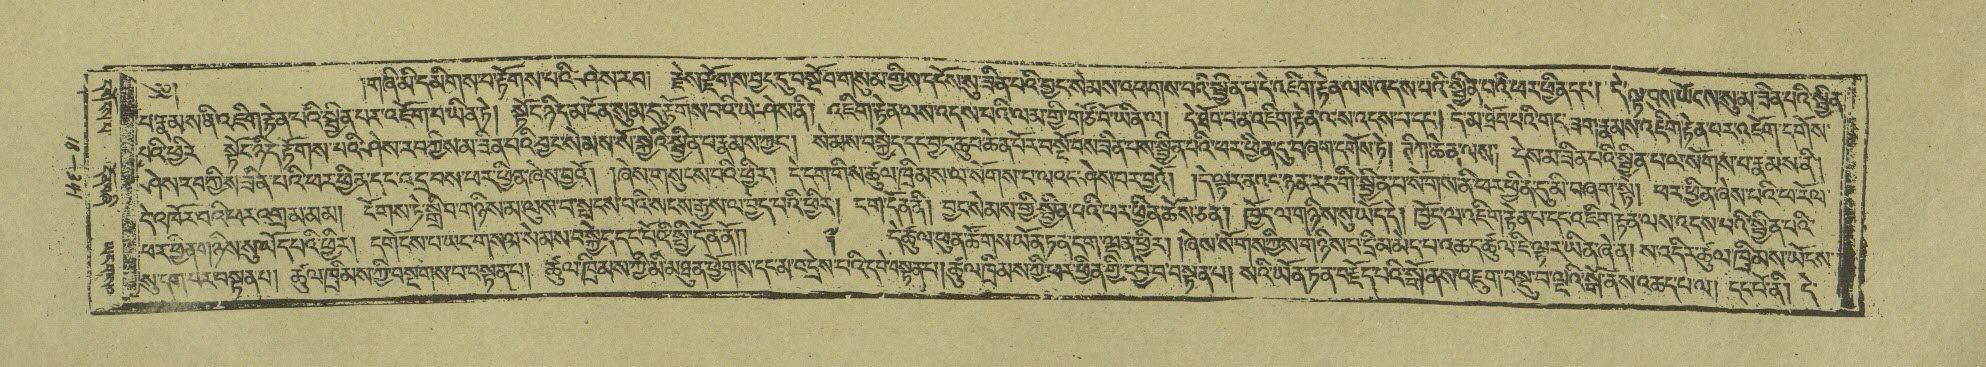༄༅། །གཞི་མི་དམིགས་པ་རྟོགས་པའི་ཤེས་རབ། རྗེས་རྫོགས་བྱང་དུ་བསྔོ་བ་གསུམ་གྱིས་དངོས་སུ་ཟིན་པའི་བྱང་སེམས་འཕགས་པའི་སྦྱིན་པ་དེ་འཇིག་རྟེན་ལས་འདས་པའི་སྦྱིན་པའི་ཕར་ཕྱིན་དང་། དེ་ལྟ་བུས་ཡོངས་སུ་མ་ཟིན་པའི་སྦྱིན་
པ་རྣམས་ནི་འཇིག་རྟེན་པའི་སྦྱིན་པར་འཇོག་པ་ཡིན་ཏེ། སྟོང་ཉིད་མངོན་སུམ་དུ་རྟོགས་པའི་ཡེ་ཤེས་ནི། འཇིག་རྟེན་ལས་འདས་པའི་ལམ་གྱི་གཙོ་བོ་ཡིན་ལ། དེ་ཐོབ་པ་ན་འཇིག་རྟེན་ལས་འདས་པ་དང་། དེ་མ་ཐོབ་པའི་གང་ཟག་རྣམས་འཇིག་རྟེན་པར་འཇོག་དགོས་
པའི་ཕྱིར། སྟོང་ཉིད་རྟོགས་པའི་ཤེས་རབ་ཀྱིས་མ་ཟིན་པའི་བྱང་སེམས་སོ་སྐྱེའི་སྦྱིན་པ་རྣམས་ཀྱང་། སེམས་བསྐྱེད་དང་བྱང་ཆུབ་ཆེན་པོར་བསྔོ་བས་ཟིན་པས་སྦྱིན་པའི་ཕར་ཕྱིན་དུ་བཞག་དགོས་ཏེ། ཊིཀ་ཆེན་ལས། དེས་མ་ཟིན་པའི་སྦྱིན་པ་ལ་སོགས་པ་རྣམས་ནི།
ཤེས་རབ་ཀྱིས་ཟིན་པའི་ཕར་ཕྱིན་དང་འདྲ་བས་ཕར་ཕྱིན་ཞེས་བྱའོ། །ཞེས་གསུངས་པའི་ཕྱིར། དེ་དག་གིས་ཚུལ་ཁྲིམས་ལ་སོགས་པ་ལའང་ཤེས་པར་བྱའོ། །དེ་ལྟར་ནའང་ཉན་རང་གི་སྦྱིན་པ་སོགས་ནི་ཕར་ཕྱིན་དུ་མི་བཞག་སྟེ། ཕར་ཕྱིན་ཞེས་པའི་ཕ་རོལ་
དེ་འཁོར་བའི་ཕར་འགྲམ་མམ། དོགས་ཏེ་སྒྲིབ་གཉིས་མ་ལུས་པ་སྤངས་པའི་སངས་རྒྱས་ལ་བྱེད་པའི་ཕྱིར། དགྲ་དོན་ནི། བྱང་སེམས་གྱི་སྦྱིན་པའི་ཕར་ཕྱིན་ཆོས་ཅན། ཁྱོད་ལ་གཉིས་སུ་ཡོད་དེ། ཁྱོད་ལ་འཇིག་རྟེན་པ་དང་འཇིག་རྟེན་ལས་འདས་པའི་སྦྱིན་པའི་
ཕར་ཕྱིན་གཉིས་སུ་ཡོད་པའི་ཕྱིར། དགོངས་པ་ཡང་གསལ་སེམས་བསྐྱེད་དང་པོའི་སྤྱི་དོན་ནོ། །༈ དེ་ཚུལ་ཕུན་ཚོགས་ཡོན་ཏན་དག་ལྡན་ཕྱིར། །ཞེས་སོགས་ཀྱི་ས་གཉིས་པ་དྲི་མ་མེད་པ་འཆད་ཚུལ་ཇི་ལྟར་ཡིན་ཞེ་ན། ས་འདིར་ཚུལ་ཁྲིམས་ཡོངས་
སུ་དག་པར་བསྟན་པ། ཚུལ་ཁྲིམས་ཀྱི་བསྔགས་པ་བསྟན་པ། ཚུལ་ཁྲིམས་ཀྱི་མི་མཐུན་ཕྱོགས་དང་མ་འདྲེས་པའི་དཔེ་བསྟན་པ། ཚུལ་ཁྲིམས་ཀྱི་ཕར་ཕྱིན་གྱི་དབྱེ་བ་བསྟན་པ། སའི་ཡོན་ཏན་བརྗོད་པའི་སྒོ་ནས་འཇུག་བསྡུ་བ་ལྔའི་སྒོ་ནས་འཆད་པ་ལ། དང་པོ་ནི། དེ་